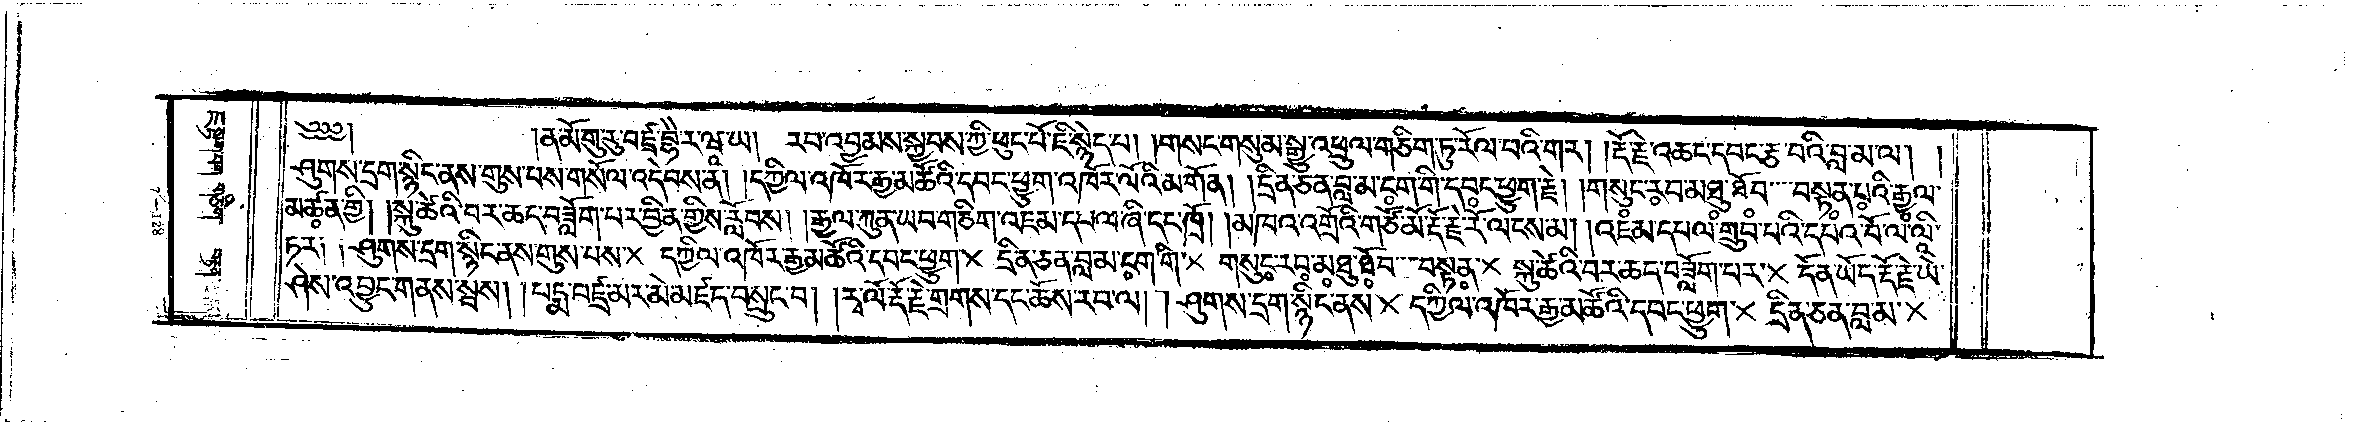༄༅༅། །ན་མོ་གུ་རུ་བཛྲ་བྷཻ་ར་ཝཱ་ཡ། རབ་འབྱམས་སྐྱབས་ཀྱི་ཕུང་པོ་ཇི་སྙེད་པ། །གསང་གསུམ་སྒྱུ་འཕྲུལ་གཅིག་ཏུ་རོལ་བའི་གར། །རྡོ་རྗེ་འཆང་དབང་རྩ་བའི་བླ་མ་ལ། །
ཤུགས་དྲག་སྙིང་ནས་གུས་པས་གསོལ་འདེབས་ན། །དཀྱིལ་འཁོར་རྒྱ་མཚོའི་དབང་ཕྱུག་འཁོར་ལོའི་མགོན། །དྲིན་ཅན་བླ་མ་ངག྾་གི་དབང྾་ཕྱུག་རྗེ། །གསུང྾་རབ྾་མཐུ྾་ཐོབ྾་བསྟན྾་པའི྾་རྒྱལ྾་
མཚན྾་གྱི། །སྐུ་ཚེའི་བར་ཆད་བཟློག་པར་བྱིན་གྱིས་རློབས། །རྒྱལ་ཀུན་ཡབ་གཅིག་འཇམ་དཔལ་ཞི་དང་ཁྲོ། །མཁའ་འགྲོའི་གཙོ་མོ་རྡོ་རྗེ་རོ་ལངས་མ། །འཇམ་དཔལ་གྲུབ་པའི་དཔའ་བོ་ལ་ལཱི་
ཏར༑ ༑ཤུགས་དྲག་སྙིང་ནས་གུས་པས་྾་དཀྱིལ་འཁོར་རྒྱ་མཚོའི་དབང་ཕྱུག་྾་དྲིན་ཅན་བླ་མ་ངག྾་གི་྾་གསུང྾་རབ྾་མཐུ྾་ཐོབ྾་བསྟན྾་྾་སྐུ་ཚེའི་བར་ཆད་བཟློག་པར་྾་དོན་ཡོད་རྡོ་རྗེ་ཡེ་
ཤེས་འབྱུང་གནས་སྦས། །པདམ་བཛྲ་མར་མེ་མཛད་བསྲུང་བ། །རྭ་ལོ་རྡོ་རྗེ་གྲགས་དང་ཆོས་རབ་ལ། །ཤུགས་དྲག་སྙིང་ནས་྾་དཀྱིལ་འཁོར་རྒྱ་མཚོའི་དབང་ཕྱུག་྾་དྲིན་ཅན་བླ་མ་྾་